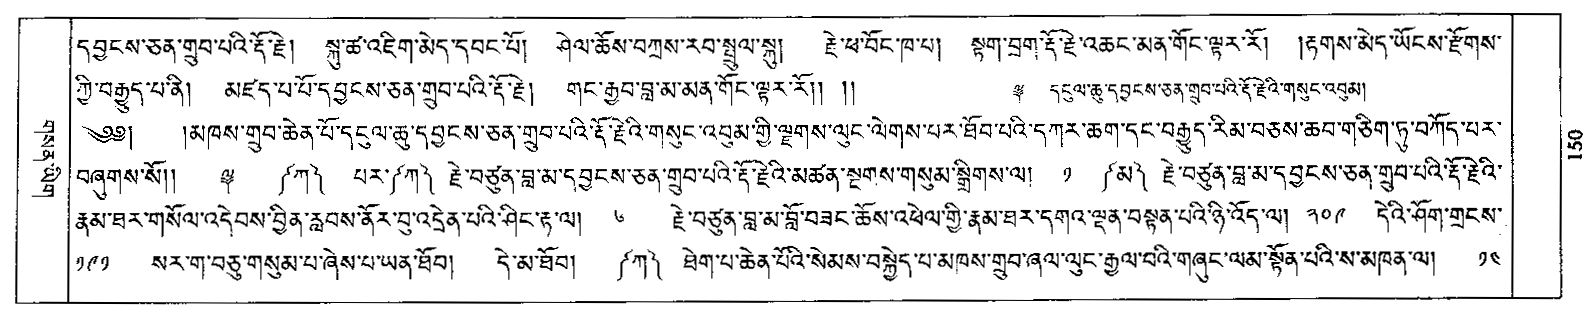དབྱངས་ཅན་གྲུབ་པའི་རྡོ་རྗེ། སྐུ་ཚ་འཇིག་མེད་དབང་པོ། ཤེལ་ཆོས་བཀྲས་རབ་སྤྲུལ་སྐུ། རྗེ་ཕ་བོང་ཁ་པ། སྟག་བྲག་རྡོ་རྗེ་འཆང་མན་གོང་ལྟར་རོ། །རྟགས་མེད་ཡོངས་རྫོགས་
ཀྱི་བརྒྱུད་པ་ནི། མཛད་པ་པོ་དབྱངས་ཅན་གྲུབ་པའི་རྡོ་རྗེ། གང་རྒྱབ་བླ་མ་མན་གོང་ལྟར་རོ།། །། ༈ དངུལ་ཆུ་དབྱངས་ཅན་གྲུབ་པའི་རྡོ་རྗེའི་གསུང་འབུམ།
༄༅། །མཁས་གྲུབ་ཆེན་པོ་དངུལ་ཆུ་དབྱངས་ཅན་གྲུབ་པའི་རྡོ་རྗེའི་གསུང་འབུམ་གྱི་ལྗགས་ལུང་ལེགས་པར་ཐོབ་པའི་དཀར་ཆག་དང་བརྒྱུད་རིམ་བཅས་ཆབ་གཅིག་ཏུ་བཀོད་པར་
བཞུགས་སོ།། ༈ ༼ཀ྄་པར་༽ཀ྄་རྗེ་བཙུན་བླ་མ་དབྱངས་ཅན་གྲུབ་པའི་རྡོ་རྗེའི་མཚན་སྔགས་གསུམ་སྒྲིགས་ལ། ༡་མ྄་རྗེ་བཙུན་བླ་མ་དབྱངས་ཅན་གྲུབ་པའི་རྡོ་རྗེའི་
རྣམ་ཐར་གསོལ་འདེབས་བྱིན་རླབས་ནོར་བུ་འདྲེན་པའི་ཤིང་རྟ་ལ། ༦་རྗེ་བཙུན་བླ་མ་བློ་བཟང་ཆོས་འཕེལ་གྱི་རྣམ་ཐར་དགའ་ལྡན་བསྟན་པའི་ཉི་འོད་ལ། ༢༠༩་དེའི་ཤོག་གྲངས་
༡༩༡་སར་ག་བཅུ་གསུམ་པ་ཞེས་པ་ཡན་ཐོབ། དེ་མ་ཐོབ། ཀ྄་ཐེག་པ་ཆེན་པོའི་སེམས་བསྐྱེད་པ་མཁས་གྲུབ་ཞལ་ལུང་རྒྱལ་བའི་གཞུང་ལམ་སྟོན་པའི་ས་མཁན་ལ། ༡༤